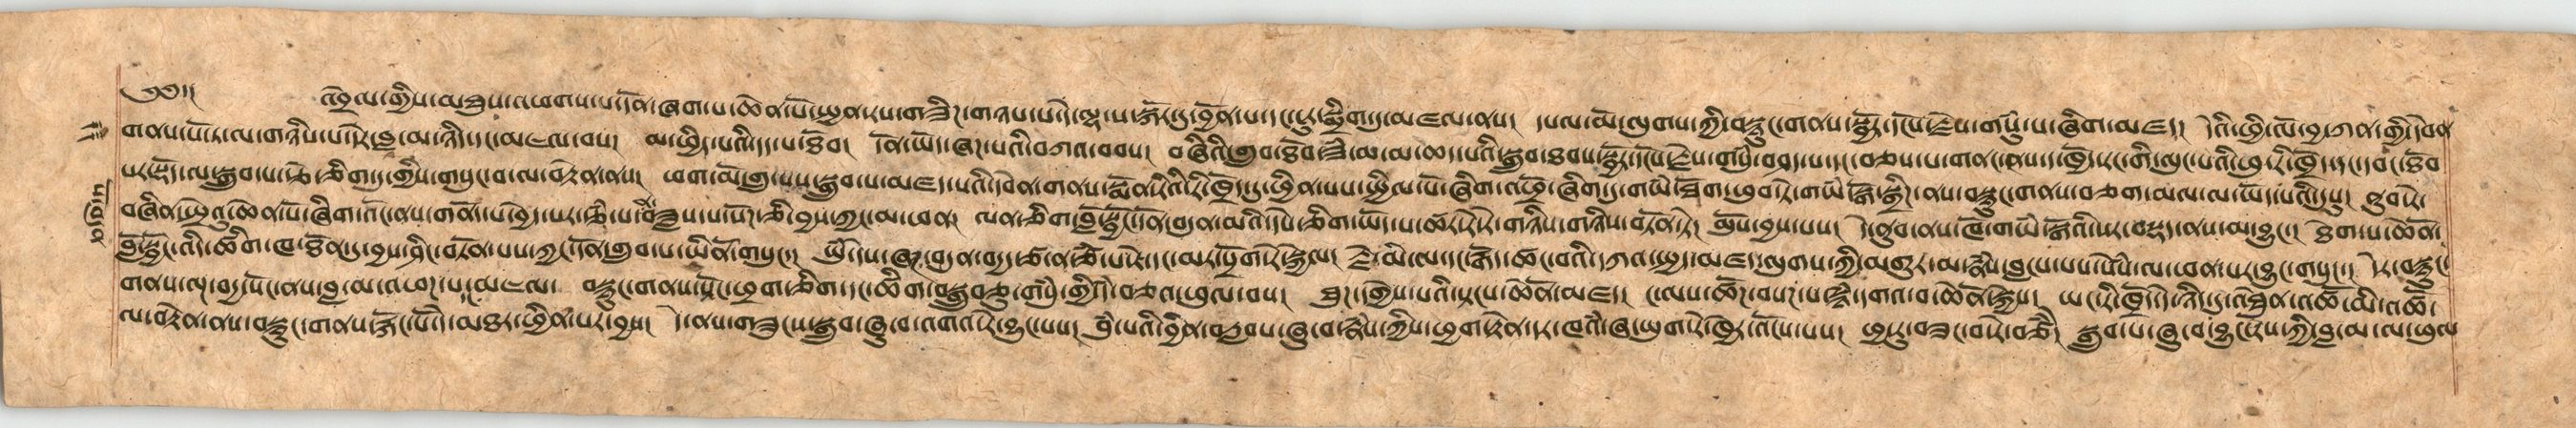༄༅་། འབྲེལ་གྱིས་མཐུས་འཕགས་པ་དོན་ཞག་པ་ཆེན་པོ་སྤྱན་རས་གཟིཌ་གཉས་པ་དེ་ལྷ་ས་སྐོར་དུ་བྱོན་པ་དང་ངུར་སྨྲིག་དུ་མཛལ་ནས། དཔལ་མོ་ལུགས་ཀྱི་བསྙུང་གནས་སྦྱོར་དངོས་རྗེས་གསུཾ་པ་ཞིག་མཛད། དེའི་ཕྱི་ལོ་བྱ་ཀན་གྱི་དབེན
གནས་པོ་ཏ་ལ་གཉིས་པ་དེར་བླ་མའི་ཉིད་དང་མཇལ་བས། མ་ཕྱེད་པའི་དད་པ་ཐོབ། དོན་ཡོད་ཞཌ་པའི་བཀའ་བབས། བཞིའི་གྲུབ་ཐོབ་ཟཾ་མ་ཆད་པའི་སྒྲུབ་ཐབས་སྦྱོར་དངོས་རྗེས་གསུཾ་བཤད་པ་དང་བཅས་པ་གནང་ནས་ད་ཁྱོད་རང་གི་ལུང་པའི་ཕུ་རི་ཁྲོད་དང་དབང་ཐོབ་
པར་སྡོད་ལ་སྒྲུབ་པ་རྩེ་ཅིག་དུ་གྱིས་གསུང་བ་ལ་བརྟེན་ནས། ཕག་མོ་གྲུ་པས་སྒྲུབ་པ་མཛད་པའི་དབེན་གནས་སྨོན་རིའི་རི་ཁྲོད་དུ་ཕྱིན་ནས་སྤྱིལ་པོ་ཞིག་འཕྲོ་ཞིག་དུ་གཡཾ་ཐོག་ཕུབ་ཏེ་གཡཾ་སྒོ་སྒྲིཌ་ནས་བསྙུང་གནས་བཅག་མལ་ལ་ཡོད་པའི་དུསུ། ནུབ་རེ་
བཞིན་སྤྲེའུ་ཆེན་པོ་ཞིག་འོང་ནས་གནོད་པ་བྱེད་པར་རྩཾ་པ་ལ་བཟླས་པ་སོཌ་ཅི་བྱས་ཀྱང་མ་ཕན། ལན་གཅིག་བློ་སྦྱོང་དོན་བདུན་མའི་དཔེ་ཅིག་ཡོད་པ་ཚར་རེ་རེ་གཉིས་བཏོན་ཏེ། མོུས་བྱས་པས། དེ་ནུབ་ནས་ཁོ་གཡཾ་སྒོའི་སར་བསྡད་ནས་མ་བྱུང་། ཐེག་པ་ཆེནོ་
བློ་སྦྱོང་འདི་ཚིག་ཁ་ཐོན་དུ་བྱས་ཤིང་བཏོན་པས་ཀྱང་དོན་འགྲུབ་པ་ཡིནོ་གསུངས། ཡུཾ་དེས་ཞཌ་བདུན་བདྱད་ཙ་ན་ཙཾ་པ་རེ་དང་མར་སྲོག་རེ་སྐྱེལ། རྗེ་མི་ལ་དང་རྒོད་ཚང་བའི་དཀའ་སྤྱད་མཛད་ལུགས་ཀྱི་མགུར་མ་རྣཾས་བླངས་པས་སེཾས་ལ་ཕན་པར་བྱུང་གསུང་། དེར་བསྙུང་་
གནས་ལྔ་བདྱ་སོང་ནས་བླ་མ་འཕཌ་པ་དང་མཇལ་ བསྙུང་གནས་སྟོང་ཕྲག་ཅིག་དང་ཚིག་བསྒྲུབ་བཅུ་གསུཾ་གྱི་དཾ་བཅའ་ཕུལ་བས། ཐུཌ་དགྱེས་པའི་སྟངས་ཆེནོ་མཛད། ང་ལས་ཚོཌ་བསཌ་པ་སྙཾ་དགའ་བ་ཆེནོ་སྐྱེས། ཡང་རི་ཁྲོད་དེ་ཉིད་དུ་འཐེུན་འཚོ་མི་འཚོ་
ལ་བརྟེན་ནས་བསྙུང་གནས་རྐོང་པོ་དེ་མཐར་ཕྱིན་པར་བྱས། དེ་ནས་གཟུངས་སྒྲུབ་ཞུ་བ་འགའ་རེ་བྱུང་བས། བུཾ་པའི་བྱིན་རླབས་ཞུ་བ་རྣཾས་ཀྱིས་ཕྱག་རྟེན་དར་ཁའཾ་ཞྭ་ཡུག་རེ་ཁྱེར་འོངས་པས། ཕྱ་རུ་བཟང་བ་རེ་བཙེཾ། སྒྲུབ་པ་ཞུ་བ་བྱུང་རས་ཀྱི་བླ་མ་ལ་ཕུལ།